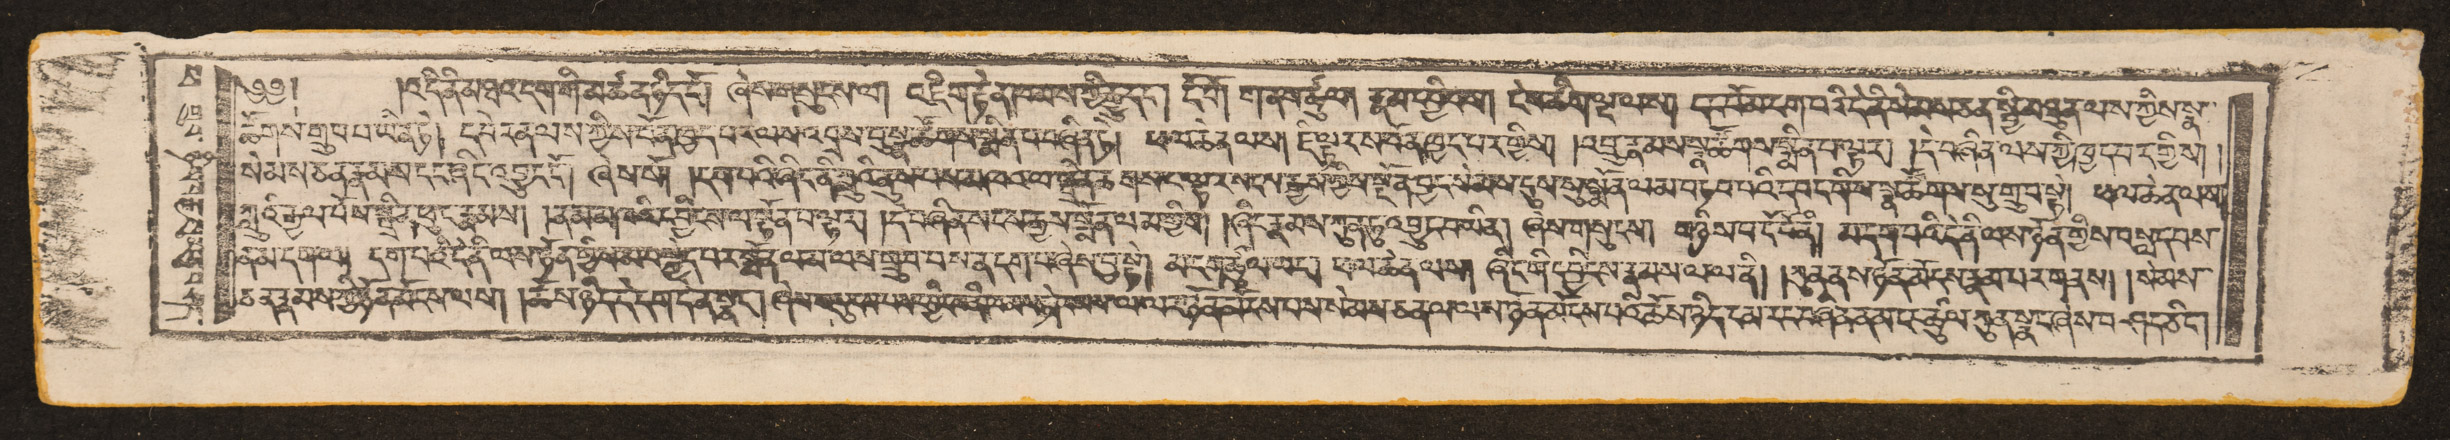༄༅། །འདི་ནི་མཐའ་དག་གི་མཚན་ཉིད་དོ། ཞེས་གསུངས་ལ། འཇིག་རྟེན་ཁམས་ཀྱི་རྒྱུ་དང་། ངོ་བོ། གནས་ཚུལ། རྣམ་དབྱིབས། ངེས་ཚིག་ལྔ་ལས། དང་པོ་མ་ངག་པའི་དེ་ནི་སེམས་ཅན་སྤྱི་མཐུན་ལས་ཀྱིས་སྣ་
ཚོགས་གྲུབ་པ་ཡིན་ཏེ། དཔེར་ན་ལས་ཀྱི་ས་བོན་ཁྱད་པར་ལས་འབྲས་བུ་སྣ་ཚོགས་སྨིན་པ་བཞིན་ཏེ། ཕལ་ཆེན་ལས། ཇི་ལྟར་ས་བོན་ཁྱད་པར་གྱིས། །འབྲུ་རྣམས་སྣ་ཚོགས་སྨིན་པ་ལྟར། །དེ་བཞིན་ལས་ཀྱི་ཁྱད་པར་གྱིས། །
སེམས་ཅན་རྣམས་དང་ཞིང་འབྱུང་ངོ། ཞེས་སོ་།དག་པའི་ཞིང་ནི་ཀླུའི་ནུས་པས་མཁའ་ལ་སྤྲིན་ཆགས་པ་ལྟར་སངས་རྒྱས་ཀྱིས་སྔོན་བྱང་སེམས་དུས་སུ་སྨོན་ལམ་བཏབ་པའི་དབང་གིས་སྣ་ཚོགས་སུ་གྲུབ་སྟེ། ཕལ་ཆེན་ལས།
ཀླུའི་རྒྱལ་པོས་སྤྲིན་ཕུང་རྣམས། །ནམ་མཁའི་དབྱིངས་ལ་སྟོན་པ་ལྟར། །དེ་བཞིན་སངས་རྒྱས་སྨོན་ལམ་གྱིས། །ཞིང་རྣམས་ཀུན་ཏུ་འབྱུང་བ་ཡིན། ཞེས་གསུངས། གཉིས་པ་ངོ་བོ་ནི། མ་དག་པའི་དེ་ནི་ལས་ཉོན་གྱིས་བསླད་པས་
ནམ་དག་ལ། དག་པའི་དེ་ནི་ལས་ཉོན་གྱིས་མ་བསྐྱེད་པར་སྨོན་ལམ་ལས་གྲུབ་པས་ན་དག་པ་ཞེས་བྱ་སྟེ། མ་དག་ཚུལ་ཡང་། ཕལ་ཆེན་ལས། ཞིང་གི་དབྱིངས་རྣམས་ལ་ལ་ནི། །ཀུན་ནས་ཉོན་མོངས་རྣམ་པར་གནས། །སེམས་
ཅན་རྣམས་ཀྱི་ཉོན་མོངས་ལས། །ཆོས་ཉིད་དེ་དག་དེ་ན་སྣང་། ཞེས་གསུངས་པས་དབྱིངས་ནི་ཁམས་ཏེ་ཁམས་ལ་ལང་ཉོན་མོངས་པས་སེམས་ཅན་ལ་ལས་ཉོན་མོངས་པའི་ཆོས་ཉིད་དམ་རང་བཞིན་ན་མདང་ཚུལ་ཀུན་སྣང་ཞེས་བཤད་ཅིང་།